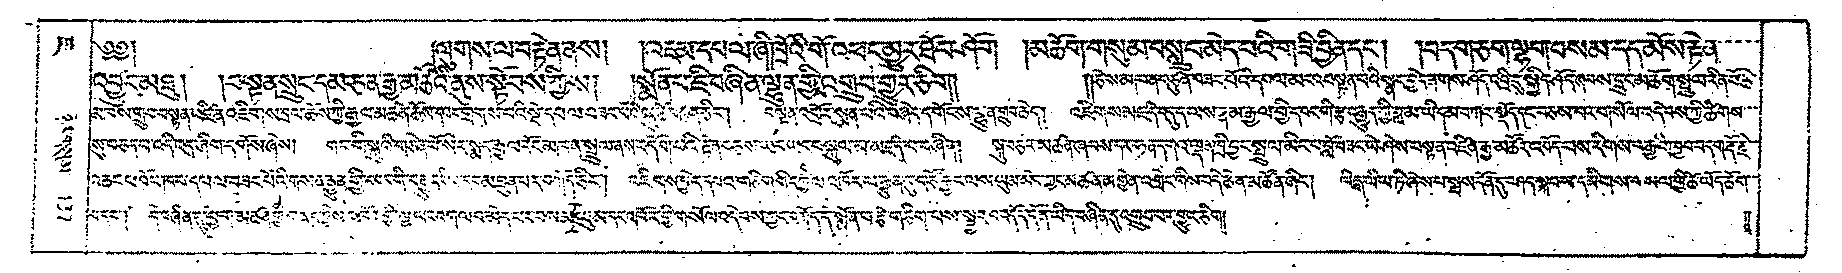༄༅། །ལུགས་ལ་བརྟེན་ནས། །འཇམ་དཔལ་ཞི་ཁྲོའི་གོ་འཕང་མྱུར་ཐོབ་ཤོག །མཆོག་གསུམ་བསླུ་བ་མེད་པའི་གཟི་བྱིན་དང་། །བདག་ཅག་ལྷག་བསམ་དད་མོས་རྟེན་
འབྱུང་མཐུ། །བསྟན་སྲུང་དམ་ཅན་རྒྱ་མཚོའི་ནུས་སྟོབས་ཀྱིས། །སྨོན་པ་ཇི་བཞིན་ལྷུན་གྱིས་འགྲུབ་གྱུར་ཅིག །།།ཅེས་མཁན་བཙུན་བཟང་པོའི་དཔལ་མངའ་བསྟན་པའི་སྣང་བྱེད་ནགས་ཤོད་འབྲི་རུ་སྐྱིད་ཤོད་ཞབས་དྲུང་མཆོག་སྤྲུལ་རིན་པོ་ཆེ་
མཁས་གྲུབ་བསྟན་འཛིན་འཇིགས་བྲལ་ཆོས་ཀྱི་རྒྱལ་མཚན་ཆོས་དབང་གྲགས་པའི་སྡེ་དཔལ་བཟང་པོའི་སྐུ་ཚེ་བརྟན་ཅིང་། བསྟན་འགྲོར་སྨན་པའི་བཞེད་དགོངས་ལྷུན་གྲུབ་ཆེད། འཇིགས་མཛད་བདུད་ལས་རྣམ་རྒྱལ་གྱི་དབང་གི་རྩ་བརྒྱུད་ཀྱི་བླ་མ་ཡི་དམ་བཀའ་སྡོད་དང་བཅས་པར་གསོལ་འདེབས་ཀྱི་ཚིགས་
སུ་བཅད་པ་འདི་འདྲ་ཞིག་དགོས་ཞེས། །གང་གི་སྐུའི་གཅེན་པོ་སེར་སྨད་རྒྱལ་རོང་མཁན་སྤྲུལ་ནས་བདོག་པའི་རྟེན་བཅས་ཡང་ཡང་བསྐུལ་མ་མཛད་པ་བཞིན། སྐུ་བཅར་མཚན་ཞབས་དར་ཧན་དགའ་ལྡན་ཁྲི་བྱང་སྤྲུལ་མིང་པ་བློ་བཟང་ཡེ་ཤེས་བསྟན་འཛིན་རྒྱ་མཚོར་འབོད་པས་རིགས་བརྒྱའི་ཁྱབ་བདག་རྡོ་རྗེ་
འཆང་ཕ་བོང་ཁ་བ་དཔལ་བཟང་པོའི་གསན་རྒྱུན་གྱི་དབང་གི་བརྒྱུད་རིམ་དང་མཐུན་པར་བཀོད་ཅིང་། འཇིགས་བྱེད་དཔའ་གཅིག་གི་དཀྱིལ་འཁོར་ལ་རྒྱུན་དུ་གཙོ་རྐྱང་ལས་ཡུམ་མེད་ཀྱང་མཚན་མ་གྱེན་འགྲེང་གིས་བདེ་ཆེན་མཚོན་ཞིང་། ལིངྒ་ལི་ཡ་ཏི་ཞེས་པ་སྦས་དོན་དུ་བཤད་སྐབས་དམིགས་བསལ་གྱི་ཚེ་ཡོད་ཆོག་
པ་དང་། དེ་བཞིན་དུ་ཕྱག་མཚན་གྱི་གནད་ཀྱིས་འཁོར་གྱི་ལྷ་ཡང་འགལ་བ་མེད་པར་བསམ་ཡུམ་དང་འཁོར་གྱི་གསོལ་འདེབས་ཀྱང་བཀོད་དེ་སྨོན་པ་རྩེ་གཅིག་པས་སྦྱར་བ་འདོད་དོན་ཡིད་བཞིན་དུ་འགྲུབ་པར་གྱུར་ཅིག ། །།